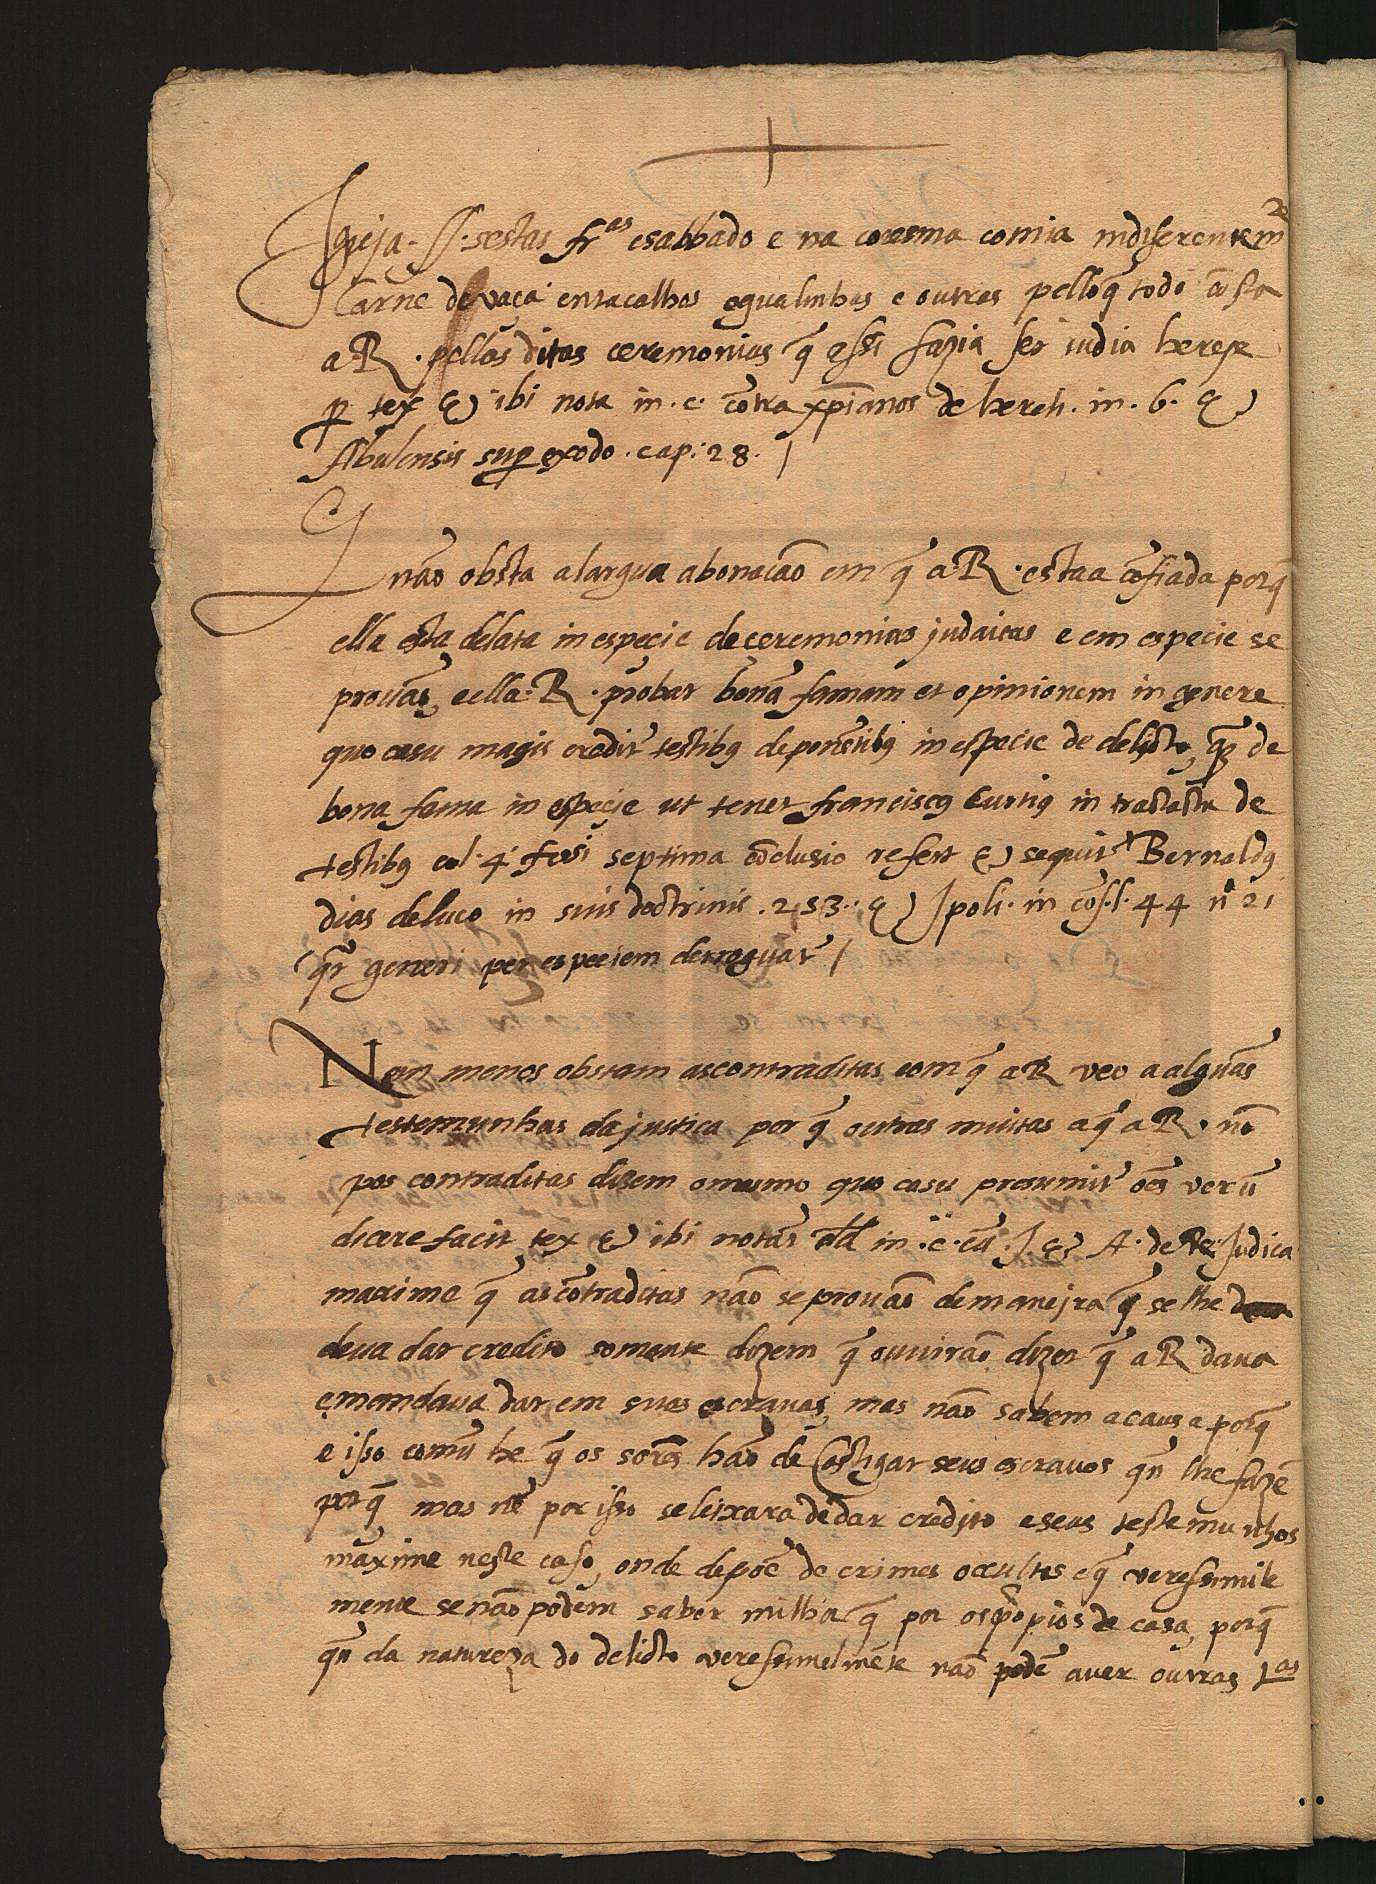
Jgreja .ss. sestas fras e sabbado e na coresma comia indiferentemte
Carne de vaça entacolhos e gualinhas e outras pello q̄ todo c̄osta
a .R. pellas ditas ceremonias q̄ assi fazia ser iudia hereje
ꝑ tex et ibi nota in .c. c̄otra xp̄ianos de hereti. in. 6. et
Abulensis suꝑ exodo .cap: 28. /
Que não obsta a largua abonacão q̄ a R. estaa c̄ofiada porq̄
ella esta delata in espeçie de çeremonias judaicas e em especie se
prouão e ella .R. probat bonā famam et opinionem in genere
quo casu magis credit̄ testibꝯ deponētibꝯ in especie de deljcto, q̄ꝫ de
bona fama in espeçie ut tenet franciscꝯ curtiꝯ in tractactu de
testibꝯ col. 4 fresi septima c̄oclusio refert et sequit Bernarldꝯ
dias deluco in suis doctrinis .253. et Jpoli. in c̄os.l. 44 no 2i
qr̄ generi per especiem derroguat̄ /
Nam menos obstam as contraditas com q̄ a R veo a alguās
tetemunhas da justica por q̄ outras muitas a q̄ a R. nō
pos contraditas dizem o mesmo quo casu presumit̄ ōes verū
dicere facit tex et ibi notar̄ đđ in .c. īa. J et A. de Re Judica
maxime q̄ as c̄otraditas não se prouão de manejra q̄ se lhe deu
deua dar credito somente dizem q̄ ouuirão dizer q̄ a R daua
e mandaua dar em suas escrauas mas não sabem a causa porq̄
e isso comū he q̄ os sor̄es hão de Castigar seus escrauos q̄n lhe fazē
por q̄ mas nē por isso se leixara de dar credito a seus testemunhos
maxime neste caso, onde depoẽ de crimes occultos e q̄ veressimile
mente se não podem saber milhor q̄ por os p̄opios de casa, porq̄
q̄n da natureza do delicto veressimelmēte não podē auer outras tas
